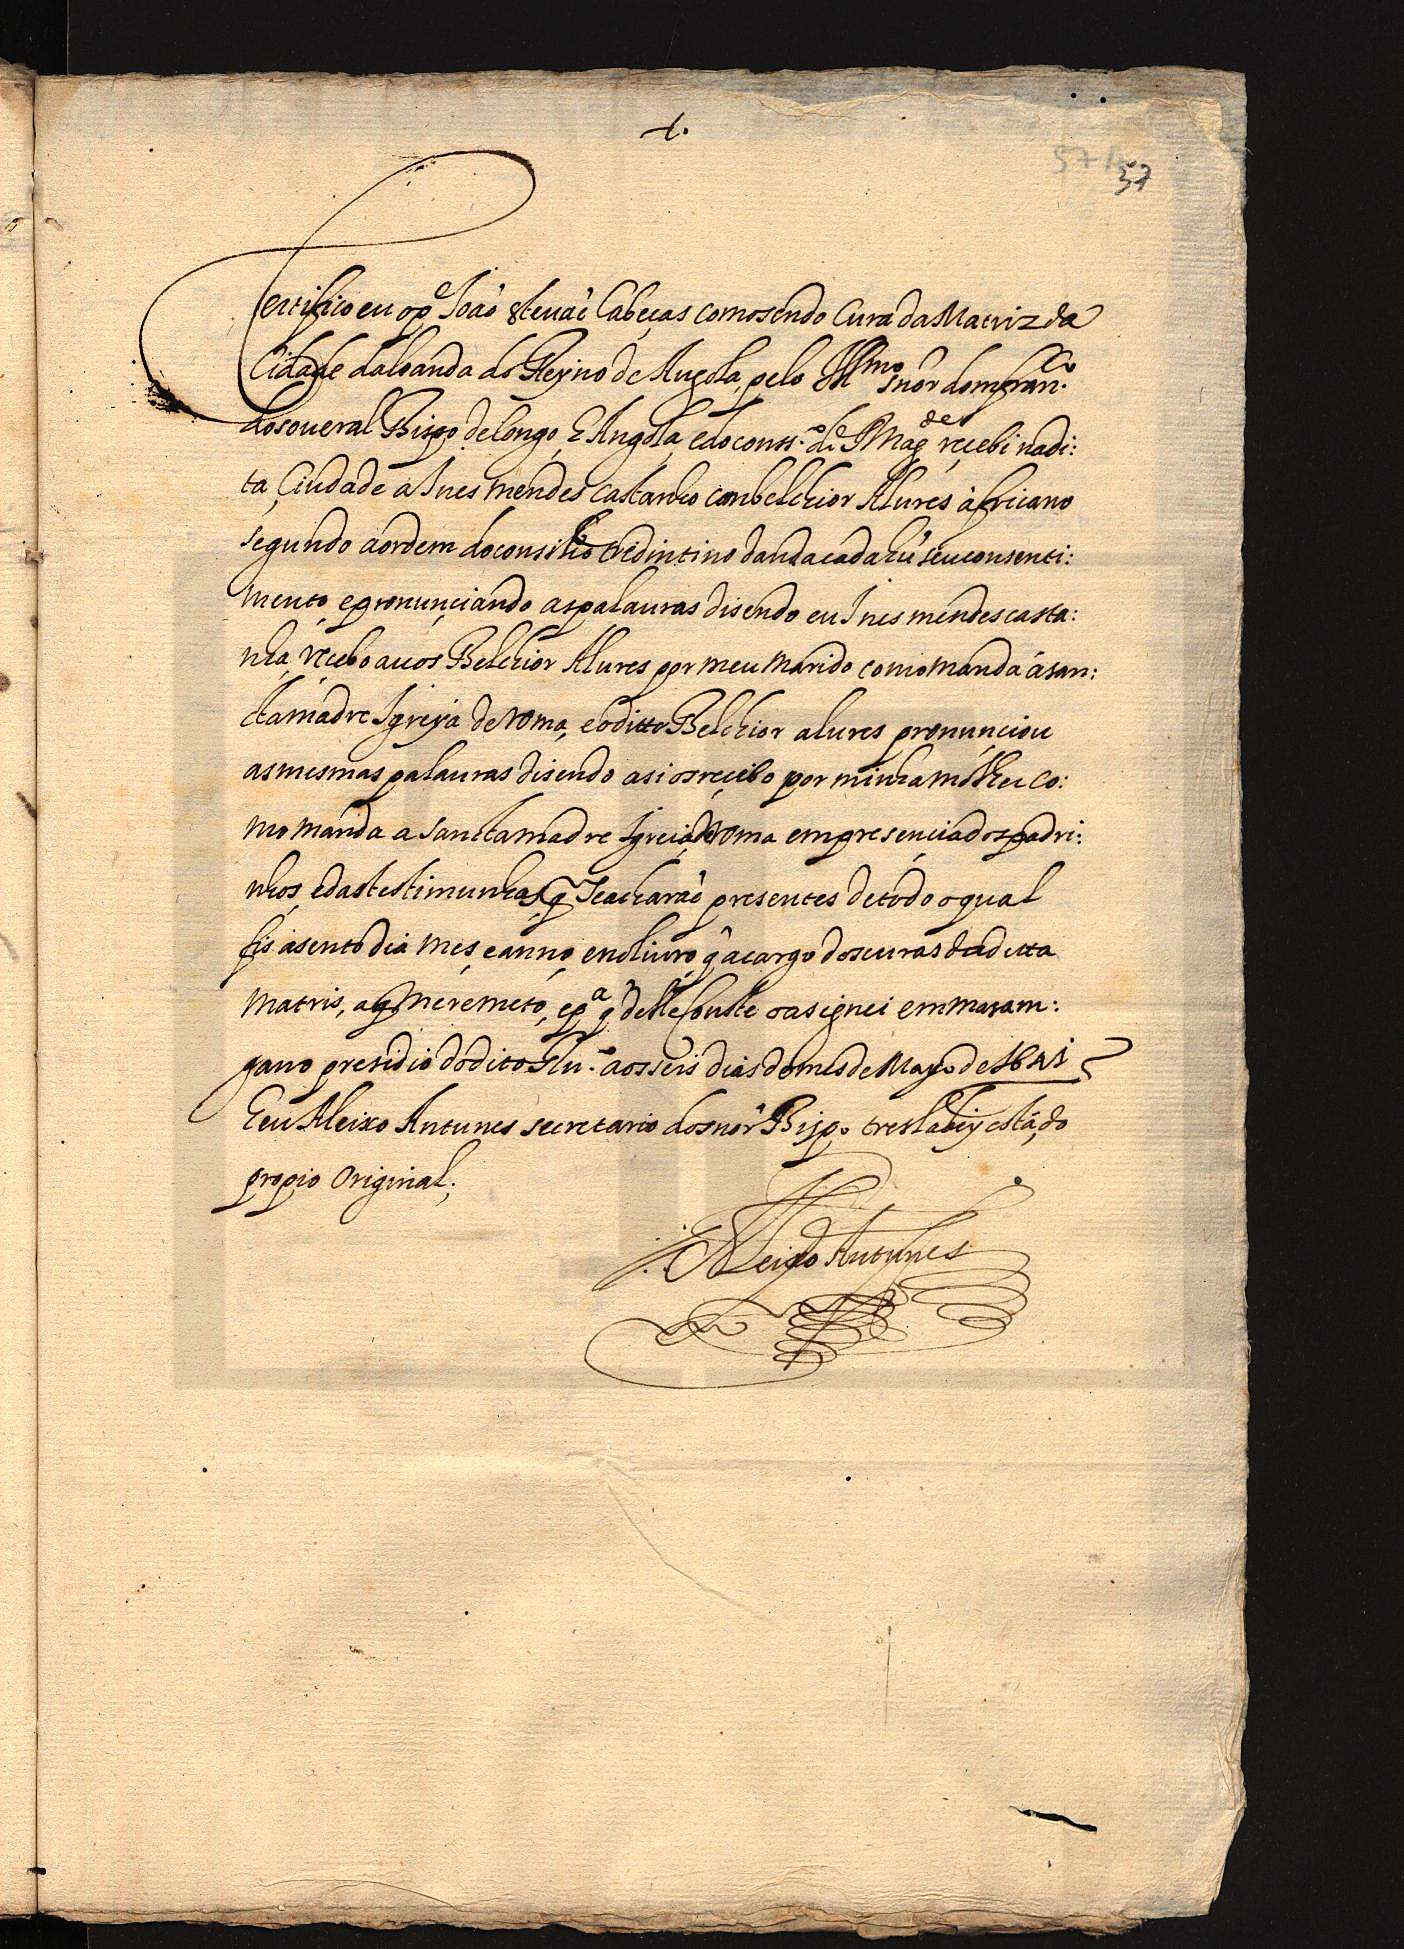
Certifico eu o pe João esteuaõ Cabeças como sendo Cura da Matriz da
Cidade da loanda do Reyno de Angola, pelo Illmo snōr dom fran.co
do soueral Bispo de Congo, E Angola, e do conss.o de Magde recebi na di
ta Ciudade a Ines mendes castanho con belchior Alures africano
segundo a ordem do consilio tridentino dando cada hū seu consenti
mento, e pronunciando as palauras disendo eu Ines mendes casta
nha, recebo a uos Belchior Alures por meu marido como manda a san
cta madre Igreya de roma, e o ditto Belchior alures pronunciou
as mesmas palauras disendo asi os recibo por minha molher co
mo manda a sancta madre Igreia roma em presencia dos padri
nhos, e das testimunhas q̄ se acharaõ presentes de todo o qual
fis asento dia mes e anno, e no liuro q̄ a cargo dos curas da ditta
matris, a q̄ me remeto, e pa q̄ delle Conste o asignei em maram
gano presidio do dito Ru.o aos seis dias do mes de Mayo de 164i
E eu Aleixo Antunes secretario do snor̄ Bispo tresladey está, do
propio original;
Aleixo Antunes
